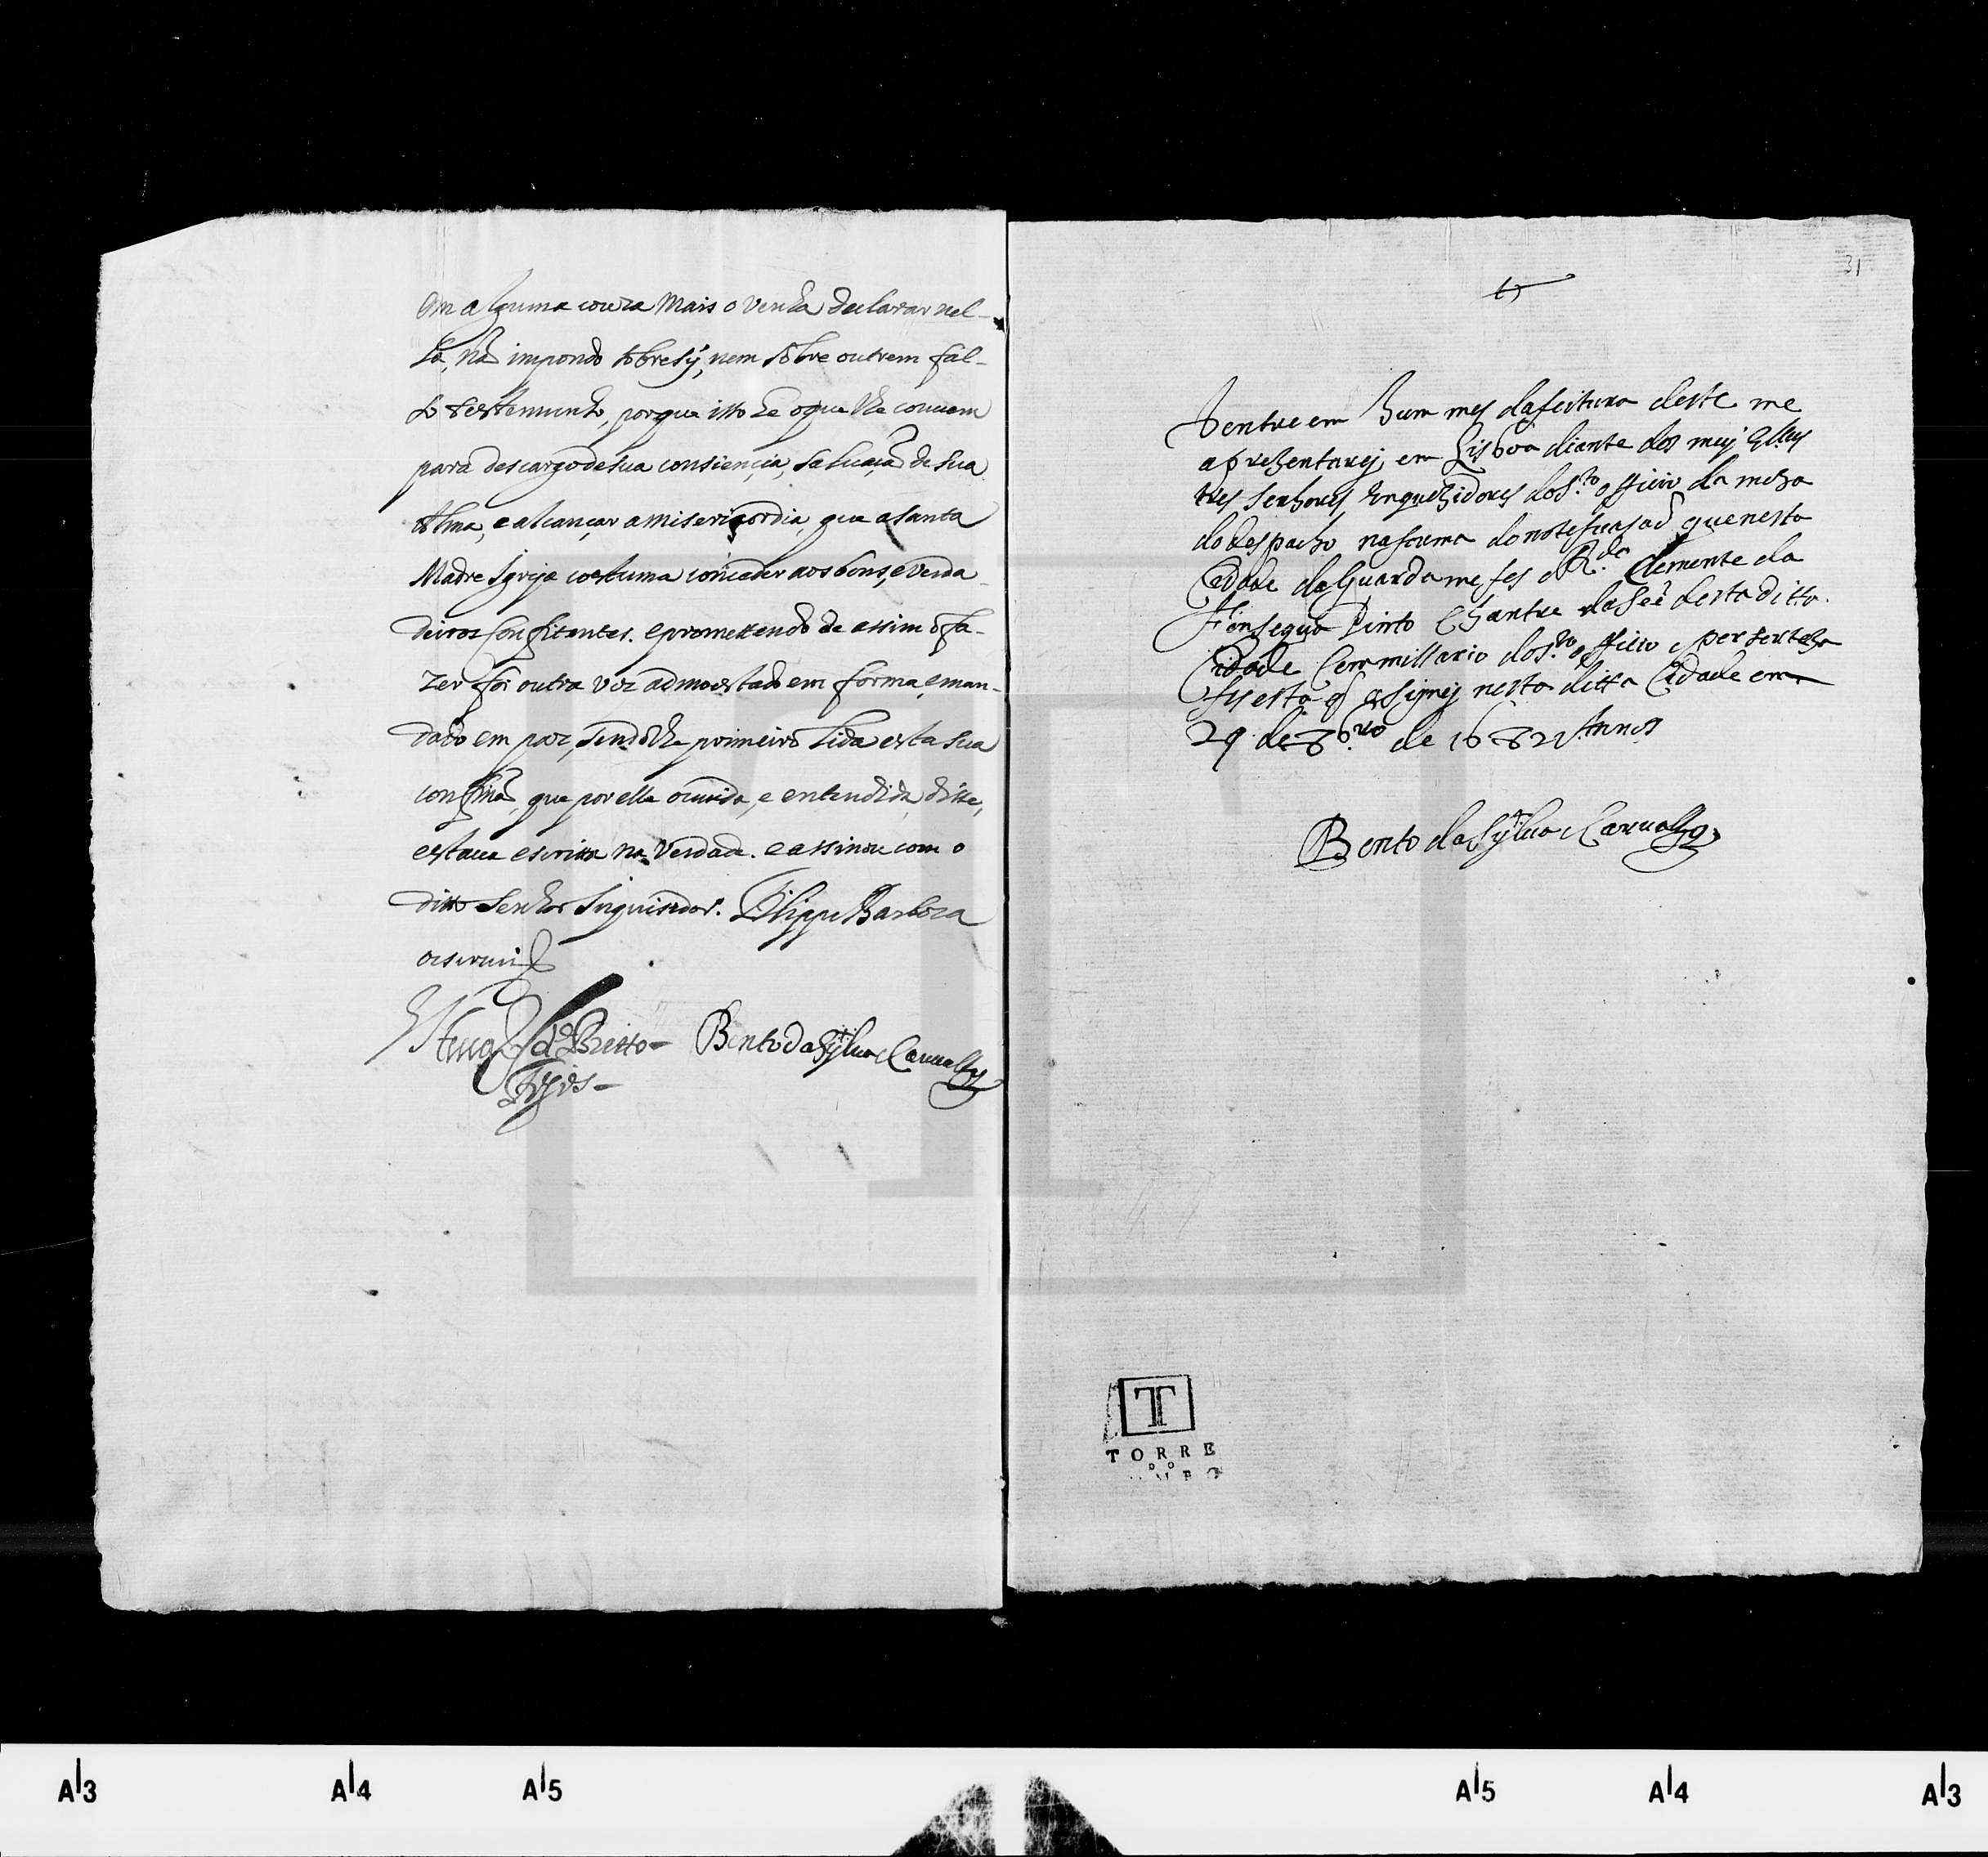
em alguma couza mais o venha declarar nel
la, naõ impondo sobre sy, nem sobre outrem fal
so testemunho, porque isso he o que lhe conuem
para descargo de sua consiencia, saluação de sua
Alma, e alcançar a misericordia, que a santa
Madre Igreja costuma conceder aos bons, e verda
deiros Confitentes. e promettendo de assim o fa
zer foi outra vez admoestado em forma, e man
dado em paz, sendolhe primeiro lida esta sua
confissaõ, que por ella ouuida, e entendida, disse,
estaua escritta na verdade. e assinou com o
ditto Senhor Inquisidor. Filippe Barboza
o escreui
Esteuaõ de Brito - Bento da Sylua Carualho
Fojos -
dentre em hum mes da feitura deste me
aprezentarej em Lisboa diante dos muj Ellus
tres Senhores Enquezidores do s.to officio da mesa
do despacho na forma de noteficasaõ que nesta
Cidade da Guarda me fes o R.do Clemente da
Fonsequa Pinto Chantre da Seé desta ditta
Cidade Commissario do s.to officio e per serteza
fis esta q̄ asignej nesta ditta Cidade em
29 de 8.bro de 1682 Annos
Bento da Sylua e Carualho
